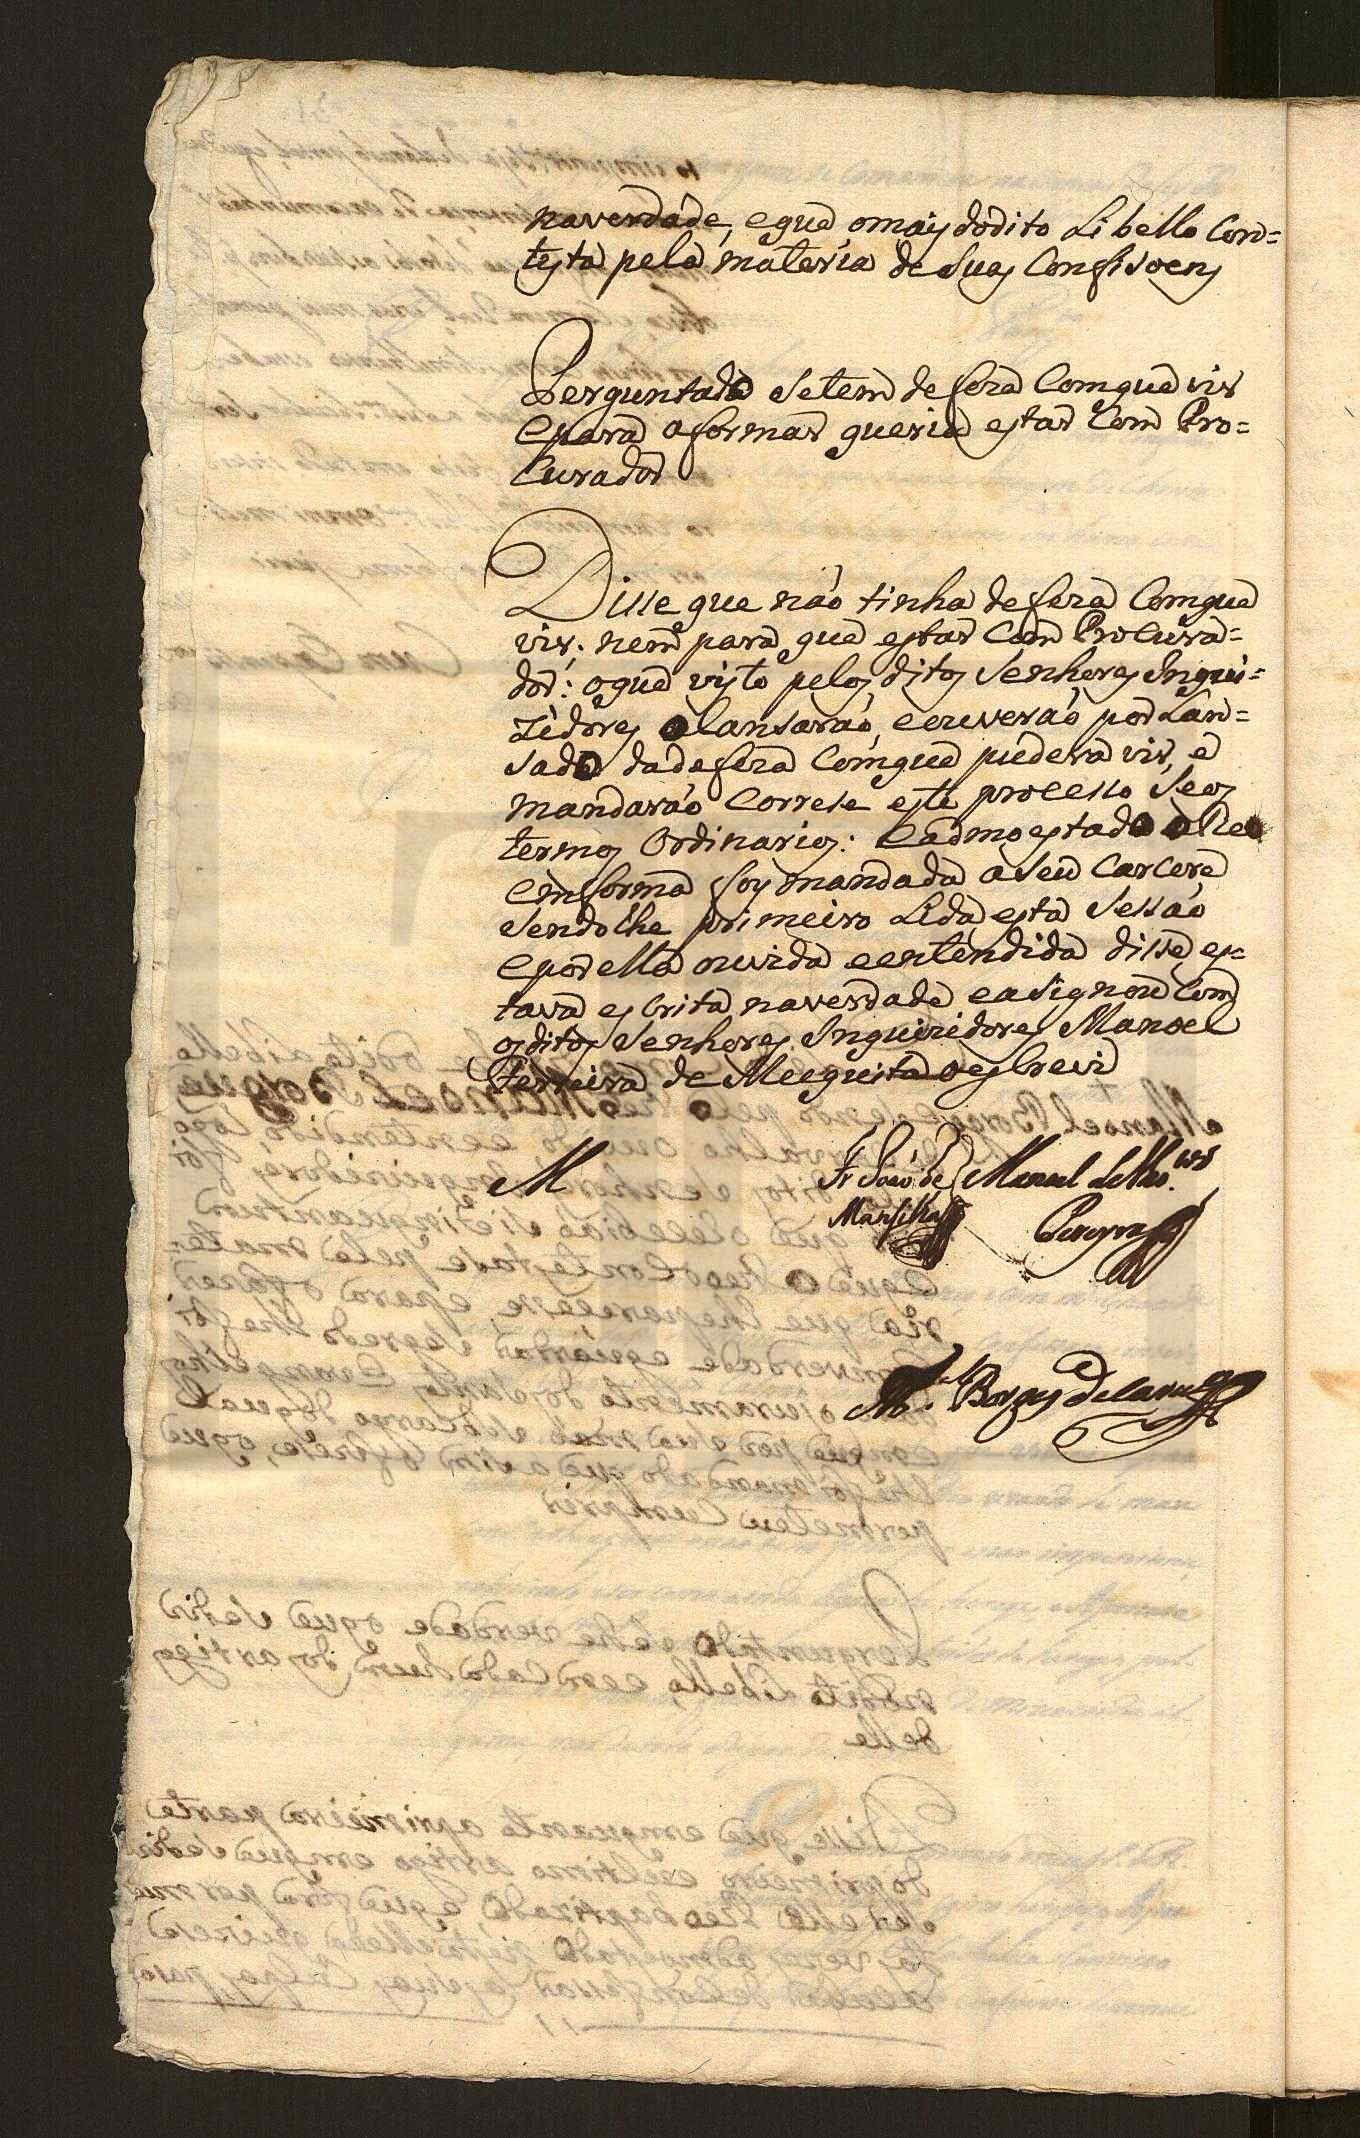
na verdade, e que o mais do dito Libello Con
testa pela materia de suas Confisoens
Perguntada se tem defeza com que vir
E para a formar queria estar com Pro
Curador
Disse que naõ tinha defeza com que
vir; nem para que estar com Procura
dor: o que visto pelos ditos senhores Inqui
zidores o lansaraõ, e ouveraõ por Lan
sado da defeza com que pudera vir, e
mandaraõ Correse este processo seos
termos, Ordinarios: e admoestado a Reo
em forma foy mandada a seu carcere
sendolhe primeiro Lida esta Sessaõ
e por ella ouvida e entendida disse es
tava escrita na verdade e asignou com
os ditos Senhores Inquizidores Manoel
Ferreira de Mesquita o esCrevi
M
Fr Ioaõ de
Mansilha
Manoel de V.cos
Pereyra
M.e Borges de Caruo
